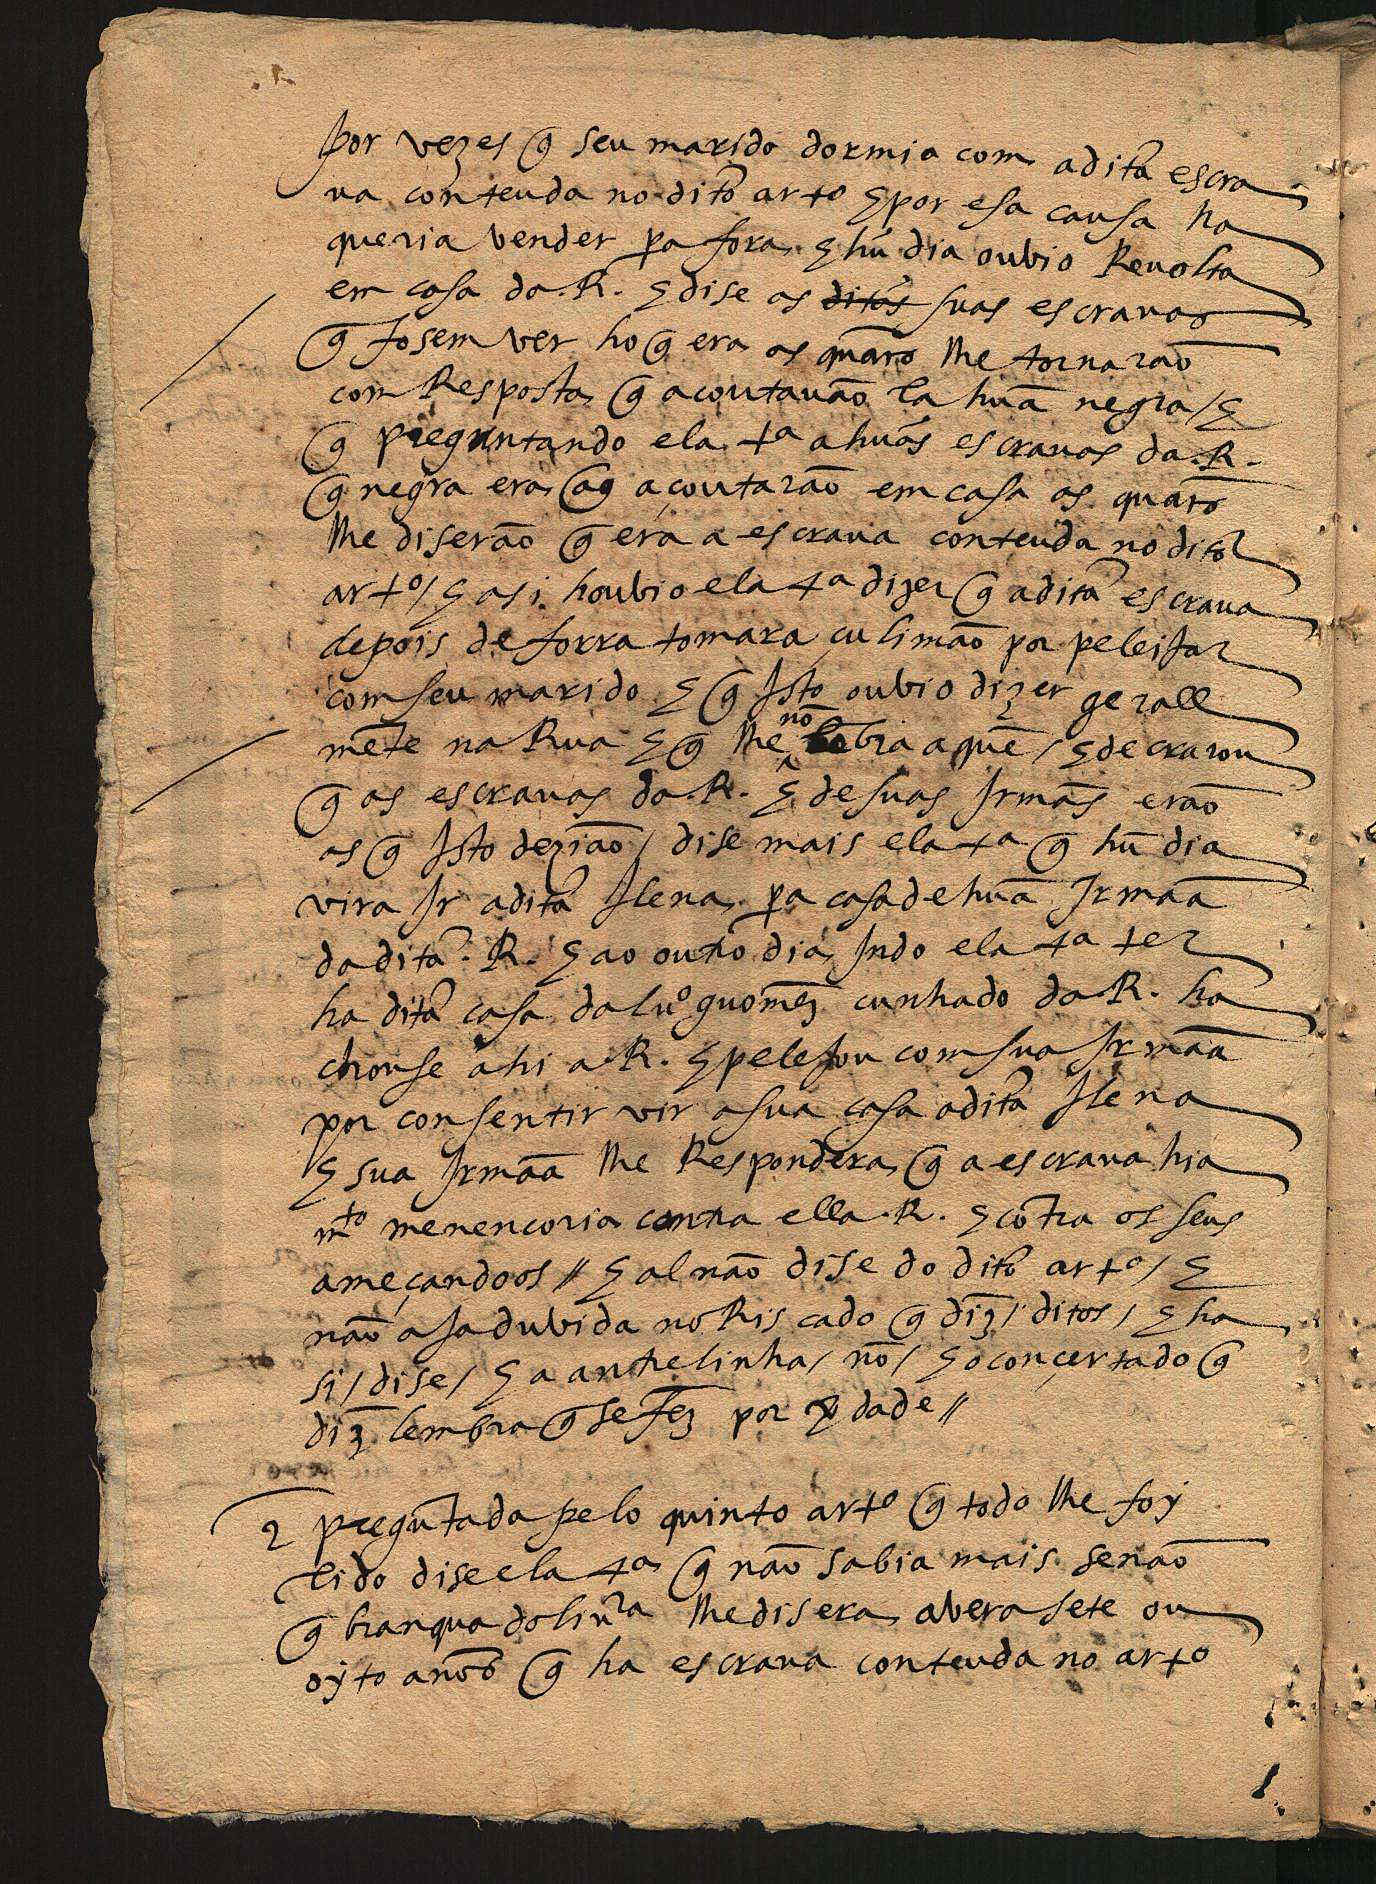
por vezes q̄ seu marido dormia com a ditā escra
ua conteuda no ditō arto E por esa causa ha
queria vender ꝑa fora E hū dia ouvio Reuolta
em casa da .R. e dise as ditas suas escrauas
q̄ fosem ver ho q̄ era as qūaes lhe tornarão
com Resposta q̄ acoutauão la huā negra / E
q̄ preguntando ela ta a huās escrauas da .R.
q̄ negra era a q̄ açoutarão em casa as quaēs
lhe diserão q̄ era a escraua conteuda no ditō
arto / E asi houvio ela ta dizer q̄ a ditā escraua
depois de forra tomara çulimão por peleiJar
com seu marido E q̄ Jsto ouvio dizer gerall
mēte na Rua E q̄ lhe
nō
lēbra a quē / E decrarou
q̄ as escrauas da .R. E de suas Jrmās erão
as q̄ Jsto dezião / dise mais ela ta q̄ hū dia
vira Jr a ditā Jlena ꝑa casa de huā Jrmaā
da ditā .R. E ao outro dia Jndo ela ta ter
ha ditā casa daluo guomez cunhado da .R. ha
chouse ahi a .R. E peleJou com sua Jrmāa
por consentir vir a sua casa a ditā Jlena
E sua Jrmāa lhe Respondera q̄ a escraua hia
mto menencoria contra ella .R. E cōtra os seus
ameçandoos / E al não dise do ditō arto / E
não aJa duvida no Riscado q̄ diz / ditos / E ha
si / dise / E a antrelinha / nō / E o conçertado q̄
diz lembra q̄ se fez por ꝟdade //
item pregūtada pelo quinto arto q̄ todo lhe foy
lido dise ela ta q̄ não sabia mais senão
q̄ branqua doliura lhe disera avera sete ou
oyto an̄os q̄ ha escraua conteuda no arto
